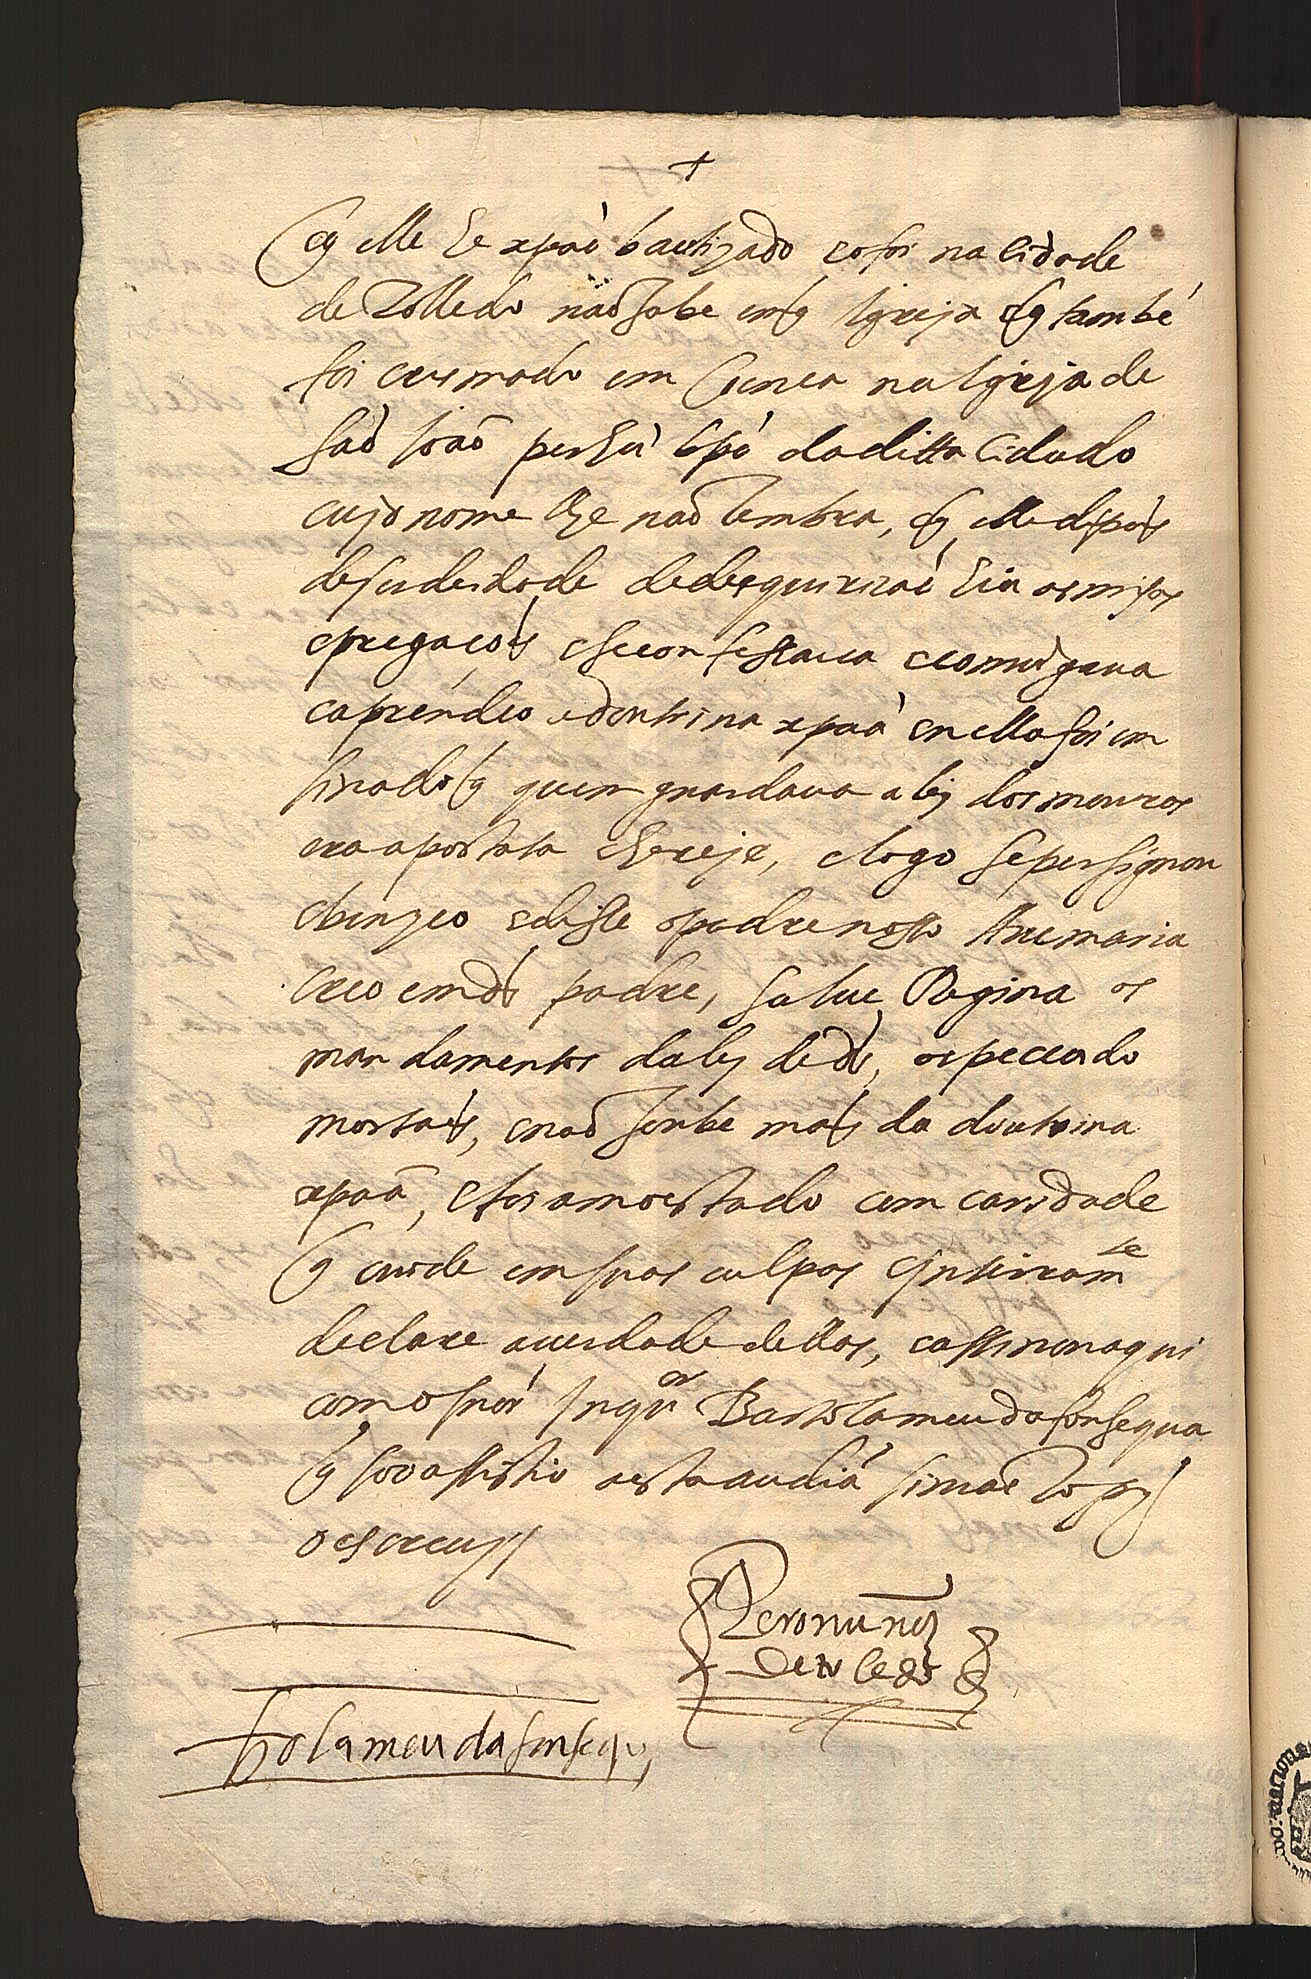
e q̄ elle he xpaõ bautizado e o foi na cidade
de Tolledo naõ sabe em q̄ Igreja e q̄ tambē
foi crismado em Cuenca na Igrja de
saõ Joaõ por hū bpō da ditta cidado
cujo nome lhe naõ lembra, e q̄ elle dipois
de ser de idade de desquiriçaõ hia as misas
e pregaçoĩs E se confessaua e comūgaua
e aprendeo a doutrina xpaā en ella foi em
sinado q̄ quem guardaua a lej dos mouros
era apostata e hereje, e logo se persignou
e benzeo e disse o padre nosso Aue maria
creo em ds̄ padre, salue Regina os
mandamentos da lej de ds̄, os peccado
mortais, e naõ soube mais da doutrina
xpaā, e foi amoestado com caridade
q̄ cuide em suas culpas e inteiramte
declare a uerdade dellas, e assinou aqui
com o snor̄ Jnquor Bartolameu da fonsequa
q̄ soo assistio a esta audiā simaõ lopz̄
o escreuj /
Pero nun̄ez
de toledo
b̄olameu da fonseqa
